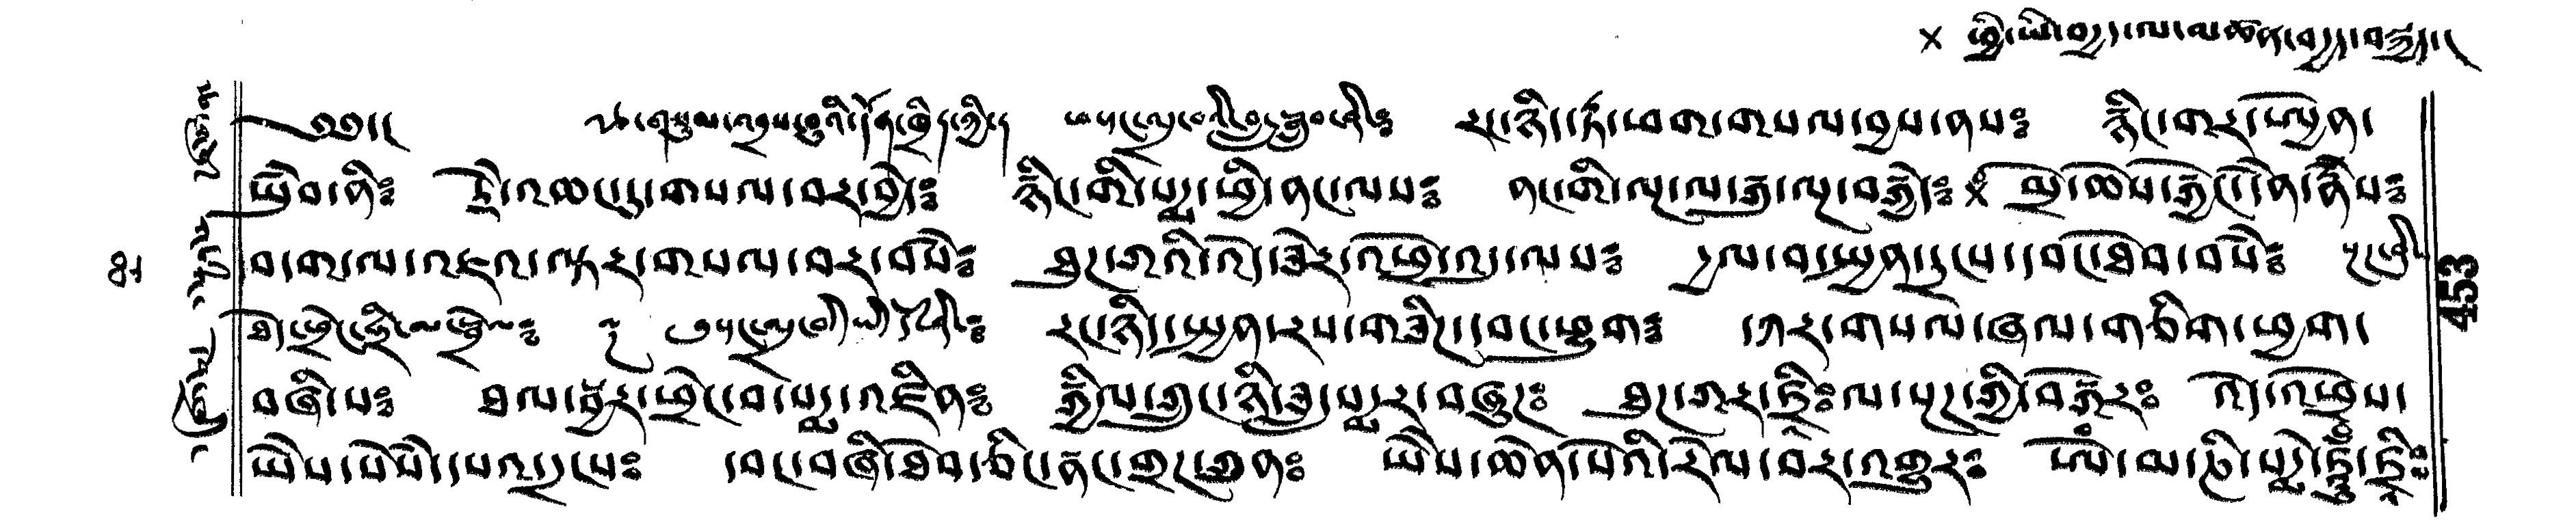༄༅། རྩ་གསུམ་འབྲས་བུའི་དོན་ཁྲིད་ཀྱི། ཕ་དང་འདྲ་བའི་བླ་སྒྲུབ་ནི། རང་ཉིད་རྟ་ཕག་གསལ་བྱས་ནས༔ སྙིང་གར་ཨོ་རྒྱན་
ཡབ་ཡུམ་ནི༔ རྡོ་རྗེ་འཆང་དུ་གསལ་བར་བྱེད༔ སྙིང་གི་པདྨ་ཕྱི་ནང་ལས༔ ནང་གི་ལྔ་ལ་སྐུ་ལྔ་བསྐྱེད༔ ཕྱི་ཡི་བརྒྱད་ལ་མཚན་བརྒྱད་བསྐྱེད༔ མཁའ་འགྲོ་ཆོས་སྐྱོང་དམ་ཅན་རྣམས༔ 
བདག་ལ་འཇའ་ལྟར་གསལ་བར་བསམ༔ ཐུགས་ཀའི་འོད་ཟེར་འཕྲོ་འདུ་ལས༔ རྒྱལ་བ་སྤྱན་དྲངས་དབང་ཐོབ་བསམ༔ སྔགས་ནི་
ཐོད་ཕྲེང་ཧྲཱིཿམ་སྦྲེལ། ༈ བུ་དད་འདྲ་བའི་ཡི་དམ་ནི། རང་ཉིད་སྤྱན་རས་གཟིགས་དབང་ཕྱུག༔ དཀར་གསལ་ཞལ་གཅིག་ཕྱག་
བཞི་པ༔ ཐལ་སྦྱར་ཕྲེང་བ་པདྨ་འཛིན༔ སྐྱིལ་ཀྲུང་ཉི་ཟླ་པདྨར་བཞུགས༔ ཐུགས་ཀར་ཧྲཱིཿལ་སྔགས་ཀྱིས་བསྐོར༔ འོད་འཕྲོས་
ཡེ་ཤེས་སེམས་དཔའ་དྲངས༔ དབང་བཞི་ཐོབ་ཅིང་སྣང་གྲགས་ཀུན༔ ཡེ་ཤེས་ཆེན་པོའི་རོལ་བར་འགྱུར༔ ཨོཾ་མ་ཎི་པདྨེ་ཧཱུྃ་ཧྲཱིཿ